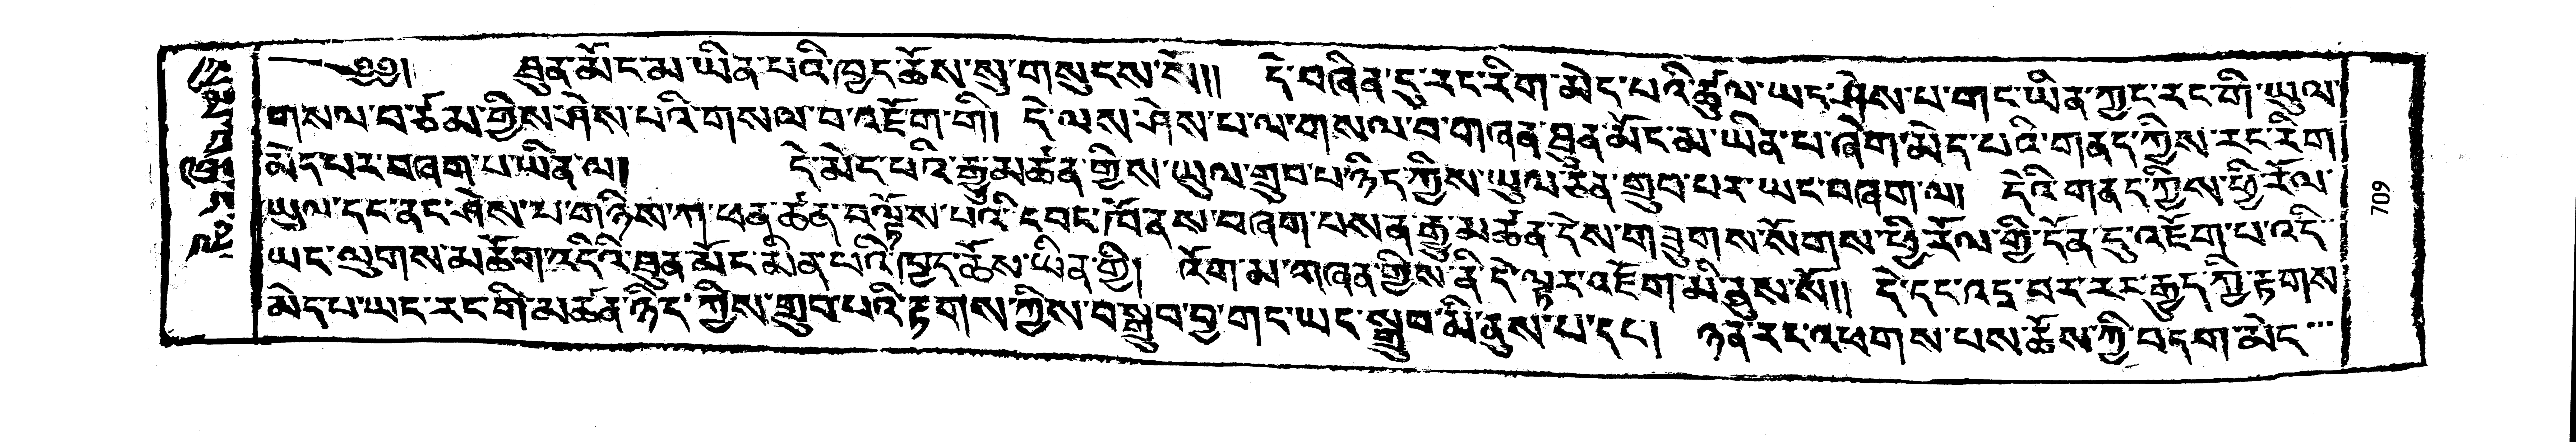༄༅། །ཐུན་མོང་མ་ཡིན་པའི་ཁྱད་ཆོས་སུ་གསུངས་སོ། །དེ་བཞིན་དུ་རང་རིག་མེད་པའི་ཚུལ་ཡང་ཤེས་པ་གང་ཡིན་ཀྱང་རང་གི་ཡུལ་
གསལ་བ་ཙམ་གྱིས་ཤེས་པའི་གསལ་བ་འཇོག་གི། དེ་ལས་ཤེས་པ་ལ་གསལ་བ་གཞན་ཐུན་མོང་མ་ཡིན་པ་ཞིག་མེད་པའི་གནད་ཀྱིས་རང་རིག་
མེད་པར་བཞག་པ་ཡིན་ལ། དེ་མེད་པའི་རྒྱུ་མཚན་གྱིས་ཡུལ་གྲུབ་པ་ཉིད་ཀྱིས་ཡུལ་ཅན་གྲུབ་པར་ཡང་བཞག་ལ། དེའི་གནད་ཀྱིས་ཕྱི་རོལ་
ཡུལ་དང་ནང་ཤེས་པ་གཉིས་ཀ་ཕན་ཚན་བལྟོས་པའི་དབང་ཁོ་ནས་བཞག་པས་ན་རྒྱུ་མཚན་དེས་གཟུགས་སོགས་ཕྱི་རོལ་གྱི་དོན་དུ་འཇོག་པ་འདི་
ཡང་ལུགས་མཆོག་འདིའི་ཐུན་མོང་མིན་པའི་ཁྱད་ཆོས་ཡིན་གྱི། འོག་མ་གཞན་གྱིས་ནི་དེ་ལྟར་འཇོག་མི་ནུས་སོ། །དེ་དང་འདྲ་བར་རང་རྒྱུད་ཀྱི་རྟགས་
མེད་པ་ཡང་རང་གི་མཚན་ཉིད་ཀྱིས་གྲུབ་པའི་རྟགས་ཀྱིས་བསྒྲུབ་བྱ་གང་ཡང་སྒྲུབ་མི་ནུས་པ་དང་། ཉན་རང་འཕགས་པས་ཆོས་ཀྱི་བདག་མེད་